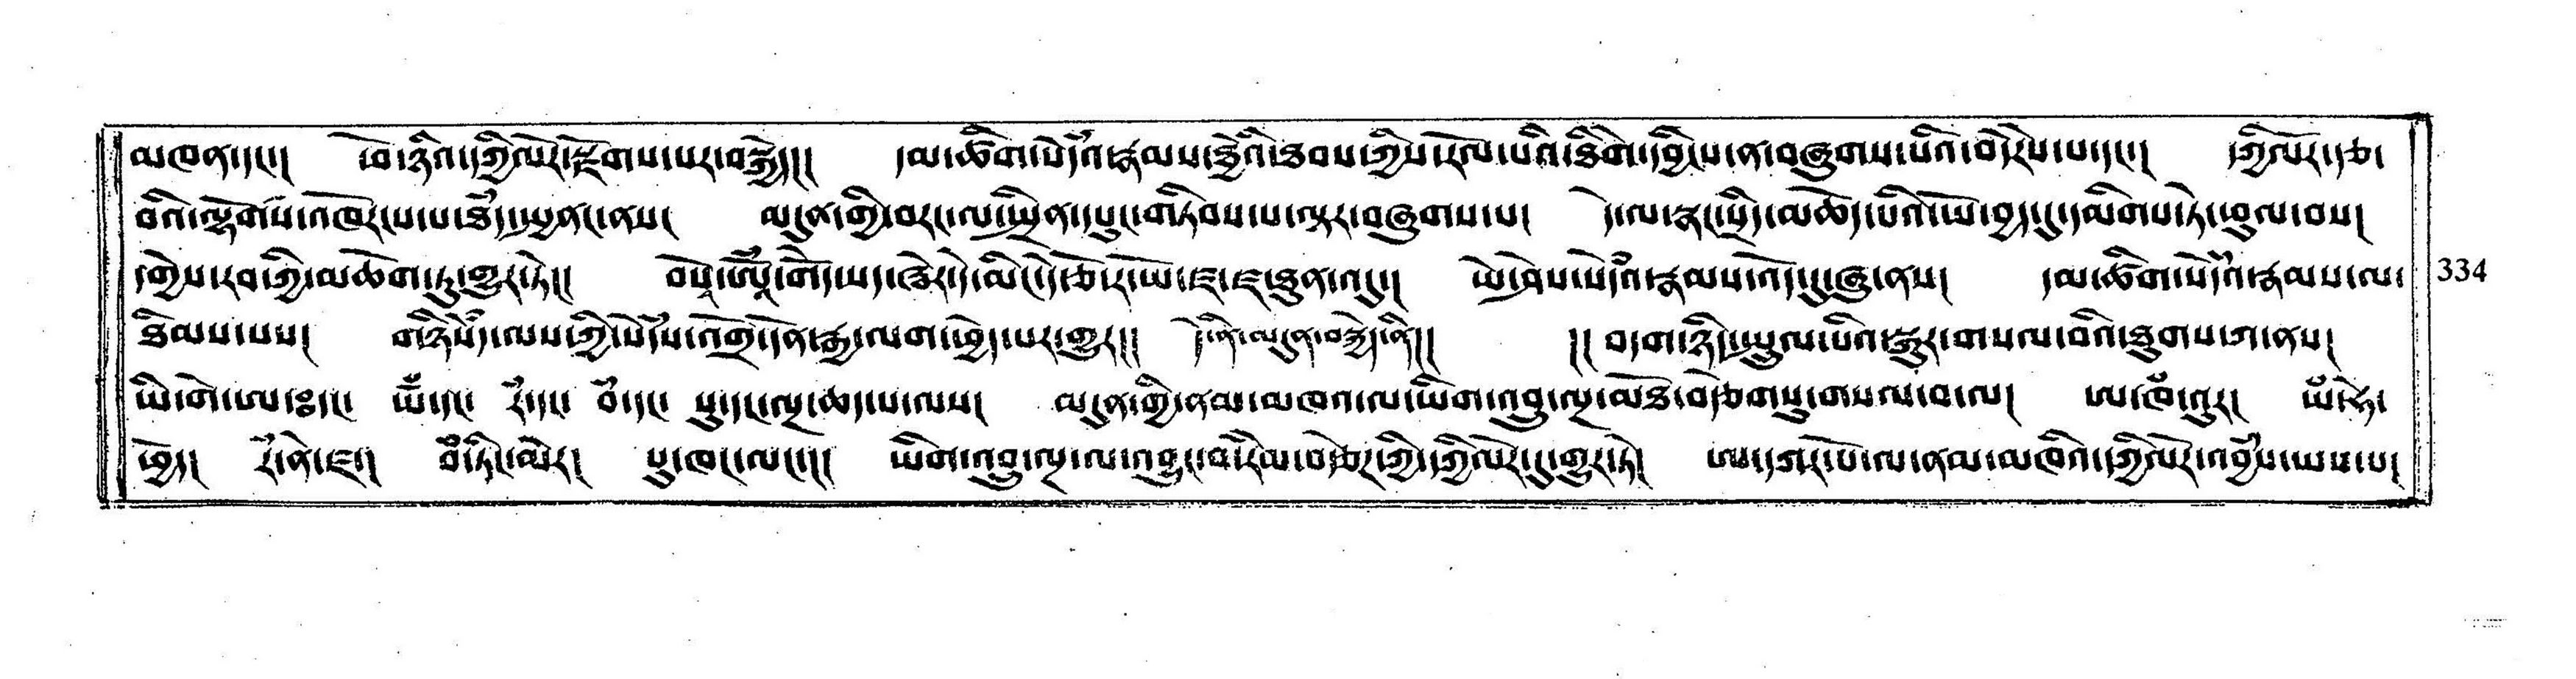མཁན་དང་། ཕོ་ཉའི་དཀྱིལ་འཁོར་རྫོགས་པར་བསྐྱེད། དམ་ཚིག་སེམས་དཔའ་རྣམས་ཐུགས་རྗེའི་ཐབས་ཀྱིས་རོལ་པའི་ཐིག་ལེ་དབྱིངས་ན་བཞུགས་པའི་བདེར་གཤེགས་པ་དང་། དཀྱིལ་འཁོར་རྩ་
བའི་ལྷ་ཚོགས་འཁོར་དང་བཅས་པ་ཐམས་ཅད་སྤྱན་དྲང་ནས། མདུན་གྱི་བར་སྣང་ལ་སྤྲིན་དཔུང་གཏིབས་པ་ལྟར་བཞུགས་པ། དེ་ལ་སྣང་སྲིད་མཆོད་པའི་ཡོ་བྱད་དུ་དམིགས་ཏེ་ཕུལ་བས། 
དགྱེས་རབ་ཀྱི་མཆོག་ཏུ་གྱུར་ཏེ།། བསྭོ་ཨཱོཾ་གེ་ཁོད་སད་ཝེར་དེ་མིང་དེ་ཙོ་ར་ཡོ་ཛ་ཛ་ཐུན་འདུ། ཡེ་ཤེས་སེམས་དཔའ་རྣམས་འོད་དུ་ཞུ་ནས། དམ་ཚིག་སེམས་དཔའ་རྣམས་ལ་
ཐིམས་པས། གཉིས་མེད་ལས་ཀྱི་སེམས་དཔའ་འགྲོ་དོན་རྒྱ་ལག་ཕྱེད་པར་གྱུར།། དེ་ནི་མདུན་བསྐྱེད་ནི།། །།བདག་ཉིད་སྤྲུལ་པའི་སྐུར་གསལ་བའི་ཐུགས་ཀ་ནས། 
ཡི་གེ་ཨཿདང་། ཡྃ་དང་རཾ་དང་བཾ་དང་སུ་དང་ལྔ་ཆད་པ་ལས། མདུན་གྱི་ནམ་མཁའ་ལ་ཡིག་འབྲུ་ལྔ་མཐོ་བརྩེགས་སུ་གསལ་བ་ལ། ཨ་ཁཾ་འུར། ཡཾ་ཧེ་
ཕྱོད། རཾ་ནེ་ཛ། བཾ་ཏིང་མེར། སུ་ཁང་ལང་།། ཡིག་འབྲུ་ལྔ་ལ་འབྱུང་བ་རིམ་བརྩེགས་ཀྱི་དཀྱིལ་འཁོར་དུ་གྱུར་ཏེ། ཨ་དཀར་པོ་ལ་ནམ་མཁའི་དཀྱིལ་འཁོར་འབྱམས་ཡས་པ།